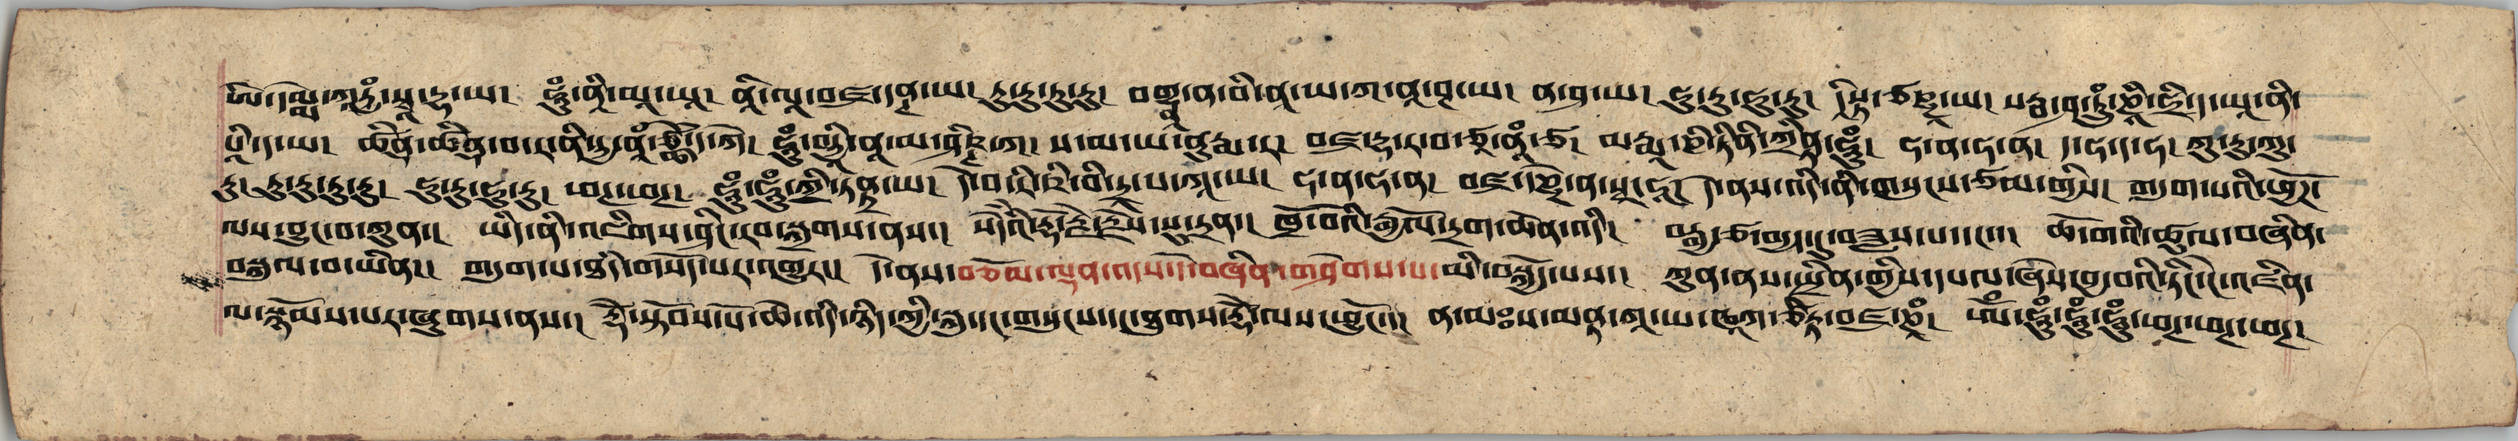ཨེ་དམྨེ་ཀཱཏྱཾ་སྭཱ་དྷ་ཡ། ཧཱུཾ་ནཱི་མཱ་ཡཱ། ནཱི་ལཱ་བཛྲ་དནྚ་ཡ། རུ་རུ་རུ་རུ། བགྷ་ན་བི་ནཱ་ཡ་ཀ་ནཱ་ཤ་ཡ། ན་ཤ་ཡ། ཧུ་རུ་ཧུ་རུ། དཱིསྟ་ཙཎྜ་ཡ། སརྦ་ཤ་ཏྲུཾ་ཎཱི་ཧྲི་ད་ཡཱ་ནི་
པཱི་ད་ཡ་ ཚིནྡ་ཚིནྡ་བར་ནི་ཏྱ་བཱཾ་ཙྪེ་ཀོ་། ཧཱུྃ་བརྱཱིནཱ་མ་ཤིཥྚ་ཀ་ ས་མ་ཡ་ནུརྨ་ར། བཛྲ་དྷ་ར་བ་ཙཱ་ནཱཾ་ཙ་ མརྨཱ་ཎི་ཏིནི་ཀྲིནྟ་ཧཱུཾ་ ཧ་ན་ཧ་ན་ ད་ཧ་ད་ཧ་ ཀུ་རུ་ཀུ་
རུ། རུ་རུ་རུ་རུ། ཧུ་རུ་ཧུ་རུ། ཕཊ་ཕཊ། ཧཱུཾ་ཧཱུཾ་ཀྲི་ཏེནྟ་ཡ་། དེ་བ་རི་ཥི་བི་ཏྲ་པ་ཀཱ་ཡ། ཧ་ན་ཧ་ན། བཛྲ་དཎྜེ་ན་སྭཱ་ཧཱ། དེ་ནས་འདི་ནི་གསུངས་ཙམ་གྱིས། གདུག་པའི་ཕྱོཌ་
ལས་བྱུང་བ་ཀུན་། ཡིད་ནི་འཇིགས་ཤིང་རབ་སྐྲགས་ནས་། སེདཾའ་རྡོ་རྗེ་རྗེས་སུ་དྲན་། ཁྲོ་བོའི་རྒྱལོ་དྲག་ཆེན་འདི་། བརྒྱ་རྩ་བདྱད་དུ་བཟླས་པ་དང་་། ཆོ་གའི་ཚུལ་བཞིན་
བསྐུལ་བ་ཡིན་། གདུག་པ་ཐཾད་གསོད་པར་འགྱུར་། དེ་ནས་བཅོམ་ལྡན་འདས་དེ་བཞིན་གཤེགས་པ་མི་བསྐྱོད་པས་། ཀུན་ནས་སྤྲིན་གྱིས་དཔལ་ཞེས་བྱ་བའི་ཏིང་ངེ་འཛིན་
ལ་སྙོམས་པར་ཞུགས་ནས་། རྡོེ་སྟོབས་པོ་ཆེ་འདི་ཉིད་ཀྱི་སྐུ་དང་གསུངས་དང་ཐུགས་རྡོེ་ལས་ཕྱུངོ་་། ན་མཿས་མནྟ་ཀཱ་ཡ་ཝཱཀ་ཙིཏྟ་བཛྲཎཱཾ། ཨོཾ་ཧཱུཾ་ཧཱུཾ་ཧཱུཾ་ཕཊ་ཕཊ་ཕཊ།